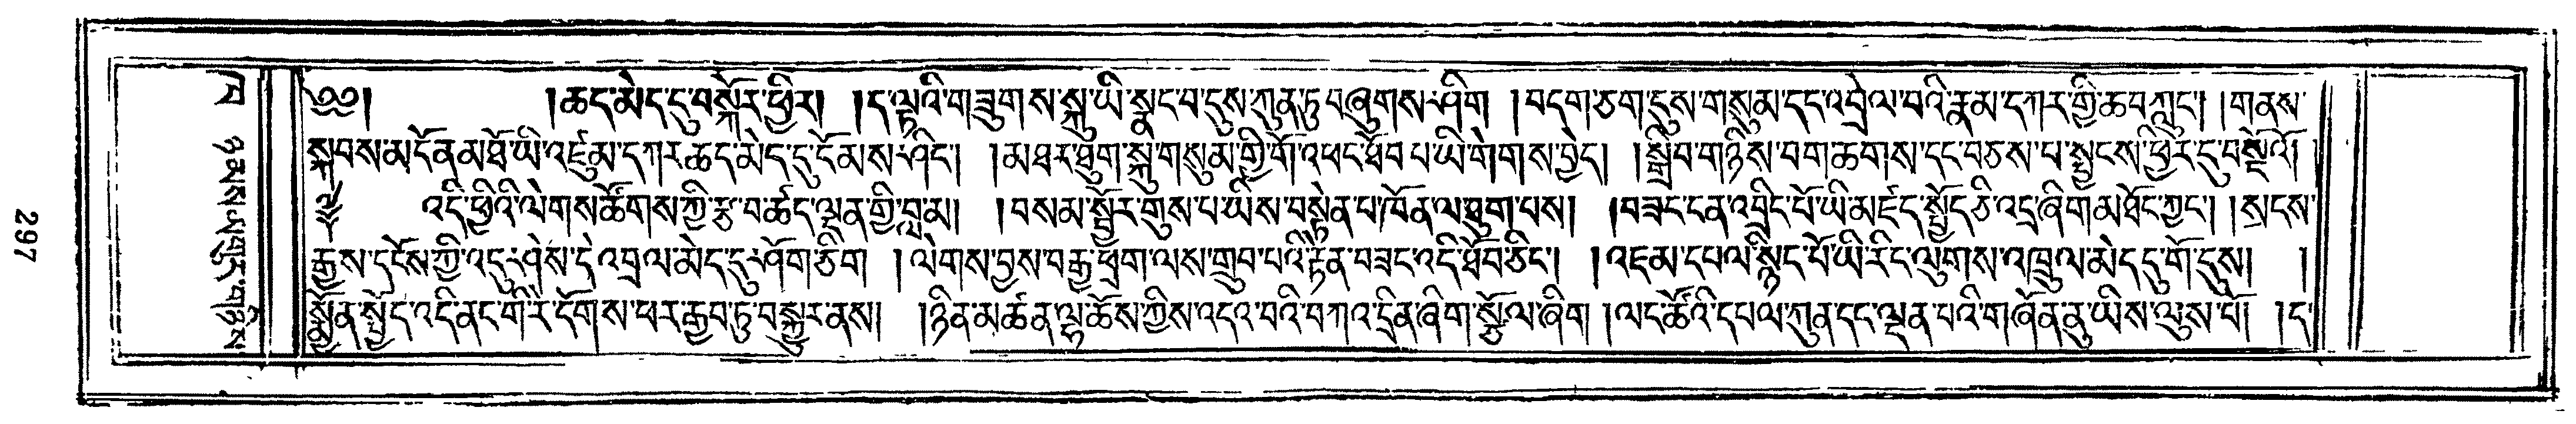༄༅། །ཆད་མེད་དུ་བསྐོར་ཕྱིར། །ད་ལྟའི་གཟུགས་སྐུ་ཡི་སྣང་བ་དུས་ཀུན་ཏུ་བཞུགས་ཤིག །བདག་ཅག་དུས་གསུམ་དང་འབྲེལ་བའི་རྣམ་དཀར་གྱི་ཆབ་ཀླུང་། །གནས་
སྐབས་མངོན་མཐོ་ཡི་འཛུམ་དཀར་ཆད་མེད་དུ་ངོམས་ཤིང་། །མཐར་ཐུག་སྐུ་གསུམ་གྱི་གོ་འཕང་ཐོབ་པ་ཡི་གེགས་བྱེད། །སྒྲིབ་གཉིས་བག་ཆགས་དང་བཅས་པ་སྦྱངས་ཕྱིར་དུ་བསྔོའོ། །
༈ འདི་ཕྱིའི་ལེགས་ཚོགས་ཀྱི་རྩ་བ་ཚད་ལྡན་གྱི་བླ་མ། །བསམ་སྦྱོར་གུས་པ་ཡིས་བསྟེན་པ་ཁོ་ན་ལ་ཐུག་པས། །བཟང་ངན་འབྲིང་པོ་ཡི་མཛད་སྤྱོད་ཅི་འདྲ་ཞིག་མཐོང་ཀྱང་། །སངས་
རྒྱས་དངོས་ཀྱི་འདུ་ཤེས་དེ་འབྲལ་མེད་དུ་ཤོག་ཅིག །ལེགས་བྱས་བརྒྱ་ཕྲག་ལས་གྲུབ་པའི་རྟེན་བཟང་འདི་ཐོབ་ཅིང་། །འཇམ་དཔལ་སྙིང་པོ་ཡི་རིང་ལུགས་འཁྲུལ་མེད་དུ་གོ་དུས། །
སྨྱོན་སྤྱོད་འདི་ནང་གི་རེ་དོགས་པར་རྒྱབ་ཏུ་བསྐྱུར་ནས། །ཉིན་མཚན་ལྷ་ཆོས་ཀྱིས་འདའ་བའི་བཀའ་དྲིན་ཞིག་སྩོལ་ཞིག །ལང་ཚོའི་དཔལ་ཀུན་དང་ལྡན་པའི་གཞོན་ནུ་ཡིས་ལུས་པོ། །ད་